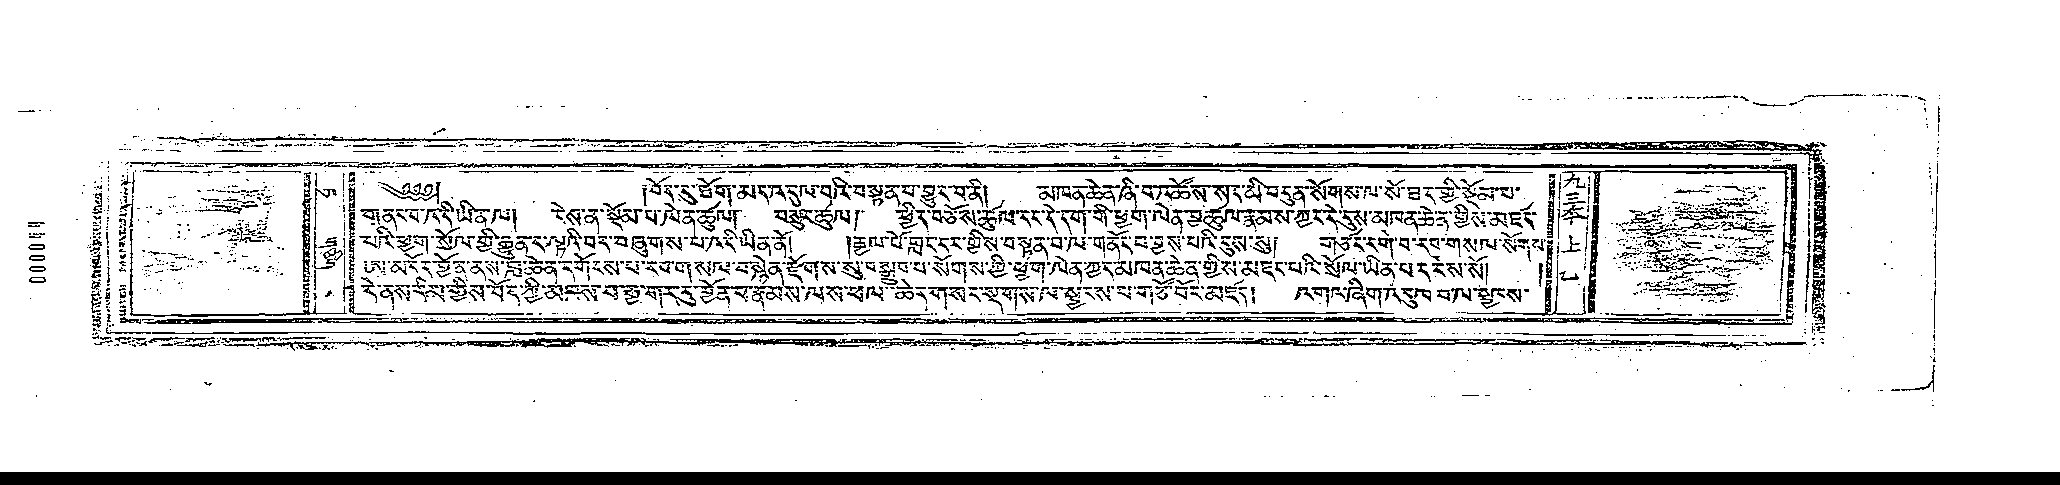༄༅༅། །བོད་དུ་ཐོག་མར་འདུལ་བའི་བསྟན་པ་བྱུང་བ་ནི། མཁན་ཆེན་ཞི་བ་འཚོས་སད་མི་བདུན་སོགས་ལ་སོ་ཐར་གྱི་སྡོམ་པ་
གནང་བ་འདི་ཡིན་ལ། དེས་ན་སྡོམ་པ་ལེན་ཚུལ། བསུང་ཚུལ། ཕྱིར་བཅོས་ཚུལ་དང་དེ་དག་གི་ཕྱག་ལེན་བྱ་ཚུལ་རྣམས་ཀྱང་དེ་དུས་མཁན་ཆེན་གྱིས་མཛད་
པའི་ཕྱག་སྤོལ་གྱི་རྒྱུན་ད་ལྟའི་པར་བཞུགས་པ་འདི་ཡིན་ནོ། །རྒྱལ་པོ་གླང་དར་གྱིས་བསྟན་པ་ལ་གནོད་པ་བྱས་པའི་དུས་སུ། གཙང་དགེ་བ་རབ་གསལ་སོགས་
ཨ་མདོར་བྱོན་ནས་བླ་ཆེན་དགོངས་པ་རབ་གསལ་བསྙེན་རྫོགས་སུ་བསྒྲུབ་པ་སོགས་ཀྱི་ཕྱག་ལེན་ཀྱང་མཁན་ཆེན་གྱིས་མཛད་པའི་སྲོལ་ཡིན་པར་དེས་སོ། །
དེ་ནས་རིམ་གྱིས་བོད་ཀྱི་མཁས་པ་རྒྱ་གར་དུ་བྱོན་པ་རྣམས་ལས་ཕལ་ཆེར་གསང་སྔགས་ལ་སྦྱངས་པ་གཙོ་བོར་མཛད། འགང་ཞིག་འདུལ་བ་ལ་སྐྱངས་